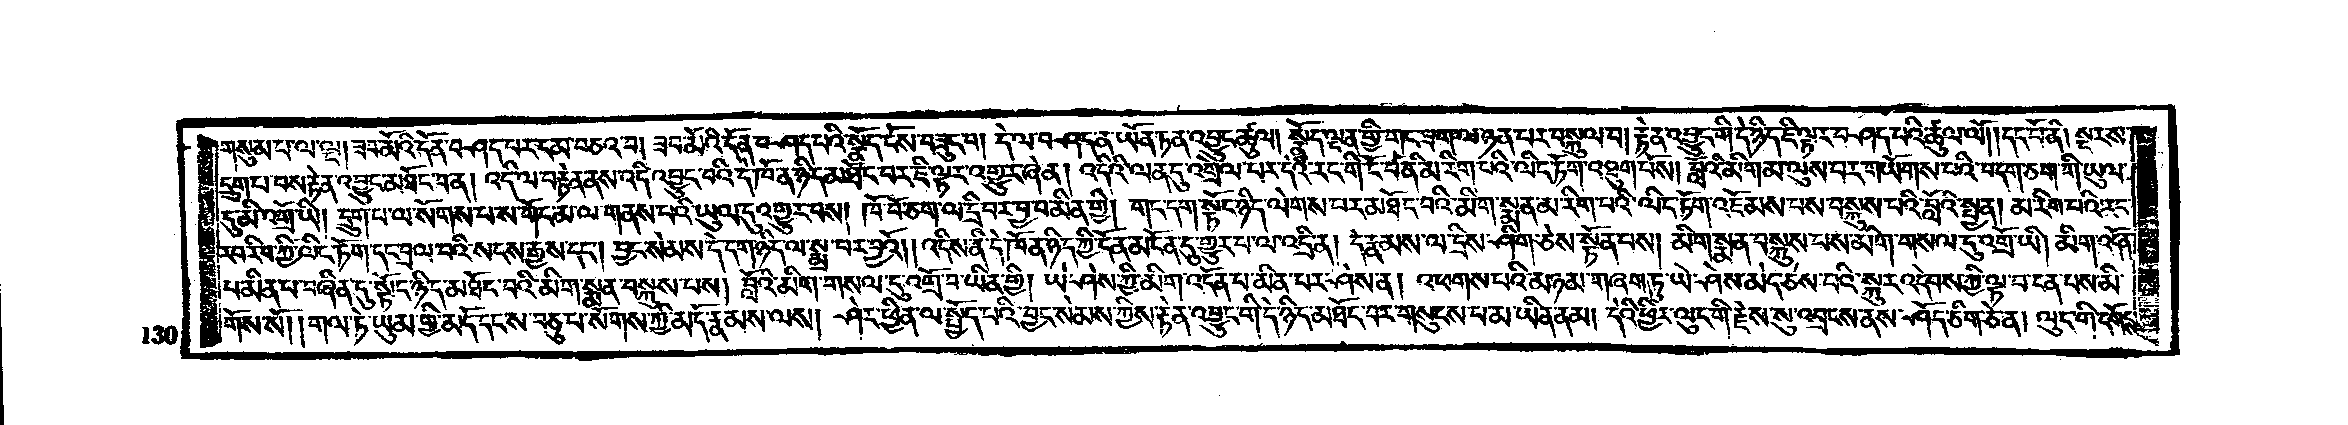གསུམ་པ་ལ་ལྔ། ཟབ་མོའི་དོན་བཤད་པར་དམ་བཅའ་བ། ཟབ་མོའི་དོན་བཤད་པའི་སྣོད་ངོས་བཟུང་བ། དེ་ལ་བཤད་ན་ཡོན་ཏན་འབྱུང་ཚུལ། སྣོད་ལྡན་གྱི་གང་ཟག་ལ་ཉན་པར་བསྐུལ་བ། རྟེན་འབྱུང་གི་དེ་ཉིད་ཇི་ལྟར་བཤད་པའི་ཚུལ་ལོ། །དང་པོ་ནི། སྔར་ས་
དྲུག་པ་པས་རྟེན་འབྱུང་མཐོང་བ་ན། འདི་ལ་བརྟེན་ནས་འདི་འབྱུང་བའི་དེ་ཁོ་ན་ཉིད་མཐོང་བར་ཇི་ལྟར་འགྱུར་ཞེ་ན། འདིའི་ལན་དུ་འགྲེལ་པར་དེའི་རང་གི་ངོ་བོ་ནི་མ་རིག་པའི་ལིང་ཏོག་འཐུག་པོས། བློའི་མིག་མ་ལུས་པར་གཡོགས་པའི་བདག་ཅག་གི་ཡུལ་
དུ་མི་འགྲོ་ཡི། དྲུག་པ་ལ་སོགས་པ་ས་གོང་མ་ལ་གནས་པའི་ཡུལ་དུ་འགྱུར་བས། ཁོ་བོ་ཅག་ལ་དྲི་བར་བྱ་བ་མིན་གྱི། གང་དག་སྟོང་ཉིད་ལེགས་པར་མཐོང་བའི་མིག་སྨན་མ་རིག་པའི་ལིང་ཏོག་འཇོམས་པས་བསྐུས་པའི་བློའི་སྤྱན། མ་རིག་པའི་རབ་
རིབ་ཀྱི་ལིང་ཏོག་དང་བྲལ་བའི་སངས་རྒྱས་དང་། བྱང་སེམས་དེ་དག་ཉིད་ལ་སྨྲ་བར་བྱའོ། །འདིས་ནི་དེ་ཁོ་ན་ཉིད་ཀྱི་དོན་མངོན་དུ་གྱུར་པ་ལ་འདྲི་ན། དེ་རྣམས་ལ་དྲིས་ཤིག་ཅེས་སྟོན་པས། མིག་སྨན་བསྐུས་པས་མིག་གསལ་དུ་འགྲོ་ཡི། མིག་འདོན་
པ་མིན་པ་བཞིན་དུ་སྟོང་ཉིད་མཐོང་བའི་མིག་སྨན་བསྐུས་པས། བློའི་མིག་གསལ་དུ་འགྲོ་བ་ཡིན་གྱི། ཡེ་ཤེས་ཀྱི་མིག་འདོན་པ་མིན་པར་ཤེས་ན། འཕགས་པའི་མཉམ་གཞག་ཏུ་ཡེ་ཤེས་མེད་ཅེས་པའི་སྐུར་འདེབས་ཀྱི་ལྟ་བ་ངན་པས་མི་
གོས་སོ། །གལ་ཏེ་ཡུམ་གྱི་མདོ་དང་ས་བཅུ་པ་སོགས་ཀྱི་མདོ་རྣམས་ལས། ཤེར་ཕྱིན་ལ་སྤྱོད་པའི་བྱང་སེམས་ཀྱིས་རྟེན་འབྱུང་གི་དེ་ཉིད་མཐོང་བར་གསུངས་པ་མ་ཡིན་ནམ། དེའི་ཕྱིར་ལུང་གི་རྗེས་སུ་འབྲངས་ནས་ཤོད་ཅིག་ཅེ་ན། ལུང་གི་དགོངས་